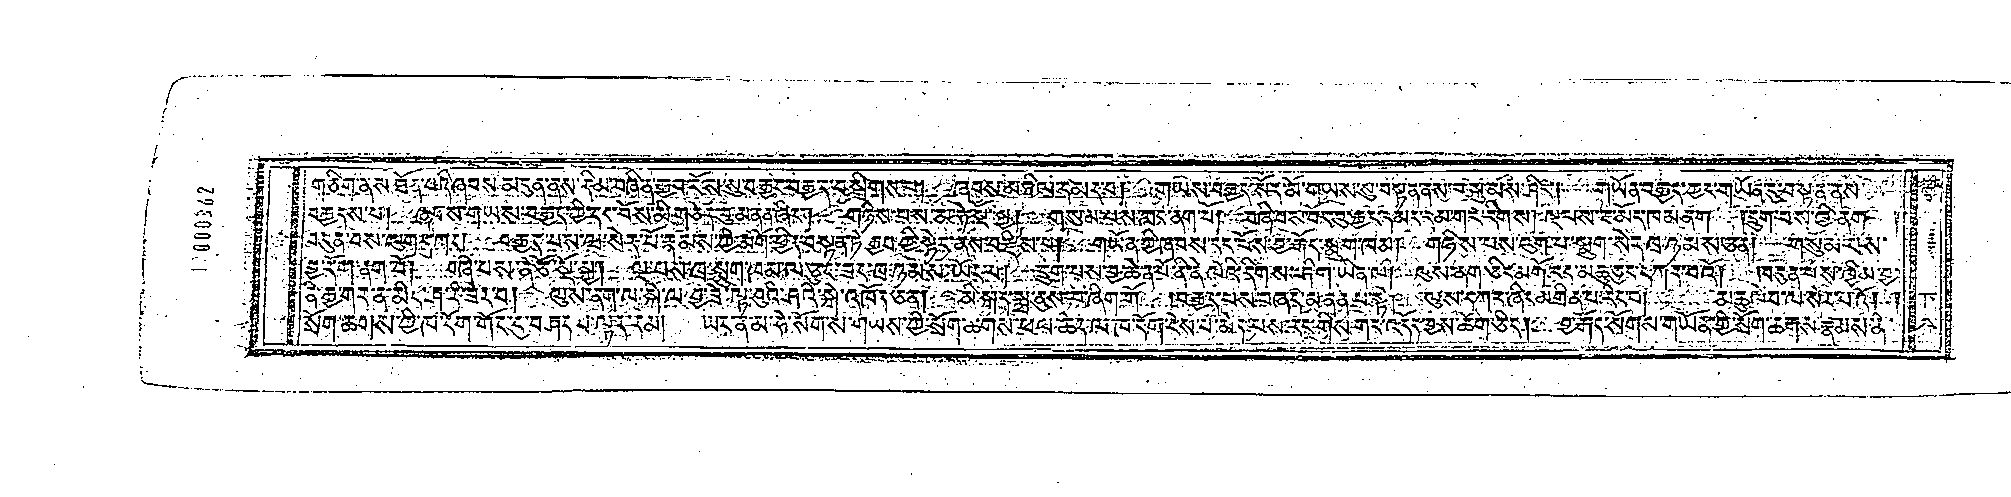གཅིག་ནས་ཐོན་པའི་ཞབས་མདུན་ནས་རིམ་བཞིན་རྒྱབ་ངོས་སུ་བརྒྱད་བརྒྱད་བསྒྲིགས་པ། ཞབས་མཐིལ་དམར་བ། གཡས་བརྒྱད་སོར་མོ་གཡས་སུ་བསྟན་ནས་བསྐུམས་ཤིང་། གཡོན་བརྒྱད་ཀྱང་གཡོན་དུ་བསྟན་ནས་
བརྒྱངས་པ། ཞབས་གཡས་བརྒྱད་ཀྱི་དང་བོས་མི་གཅེར་བུ་མནན་ཞིང་། གཉིས་པས་མ་ཧེ་སྔོ་སྐྱ། གསུམ་པས་གླང་ནག་པོ། བཞི་པས་བོང་བུ་རྐྱང་དམར་དམ་གང་རིགས། ལྔ་པས་རྔ་མོང་ཁམ་ནག །དྲུག་པས་ཁྱི་ནག་
བདུན་བས་ལུག་དཀར། བརྒྱད་པས་ཝ་སེར་པོ་རྣམས་ཀྱི་མགོ་ཕྱིར་བསྟན་ཏེ་རྒྱབ་ཀྱི་སྟེང་ནས་བརྫིས་པ། གཡོན་གྱི་ཞབས་དང་པོས་བྱ་རྒོད་སྨུག་ཁམ། གཉིས་པས་འུག་པ་སྨུག་སེར་ཁྲ་ཉམས་ཅན། གསུམ་པས་
བྱ་རོག་ནག་བོ། བཞི་པས་ནེ་ཙོ་སྔོ་སྐྱ། ལྔ་པས་ཁྲ་སྨུག་ཁམ་ལ་ཅུང་ཟད་ཁྲ་ཉམས་ཡོད་པ། དྲུག་པས་བྱ་ཆེན་པོ་ནི་ནེ་ལེའི་རིགས་ཤིག་ཡིན་ལ། ལུས་ནག་ཅིང་མགོ་དང་མཆུ་ཅུང་དཀར་བའོ། །བདུན་བས་ཁྱིམ་བྱ་
ནི་རྒྱ་གར་ན་མིང་ཤ་རི་ཟེར་བ། ལུས་ནག་ལ་སྐེ་ལ་བྱ་བྲེ་ལྟ་བུའི་ཤའི་སྐེ་འཁོར་ཅན། མི་སྐད་སྨྲ་ནུས་བ་ཞིག་གོ །བརྒྱད་པས་བཞད་མནན་པ་སྟེ། ལུས་དཀར་ཞིང་མགྲིན་པ་རིང་བ། མཆུ་ལེབ་ལ་སེར་པའོ།
སྲོག་ཆགས་ཀྱི་ཁ་དོག་གོང་དུ་བཤད་པ་ལྟར་རམ། ཡང་ན་མ་ཧེ་སོགས་གཡས་ཀྱི་སྲོག་ཆགས་ཕལ་ཆེད་ལ་ཁ་དོག་ངེས་པ་མེད་པས་རང་གིས་གང་འདོད་བྱས་ཆོག་ཅིང་། བྱ་རྒོད་སོགས་གཡོན་གྱི་སྲོག་ཆགས་རྣམས་ནི་